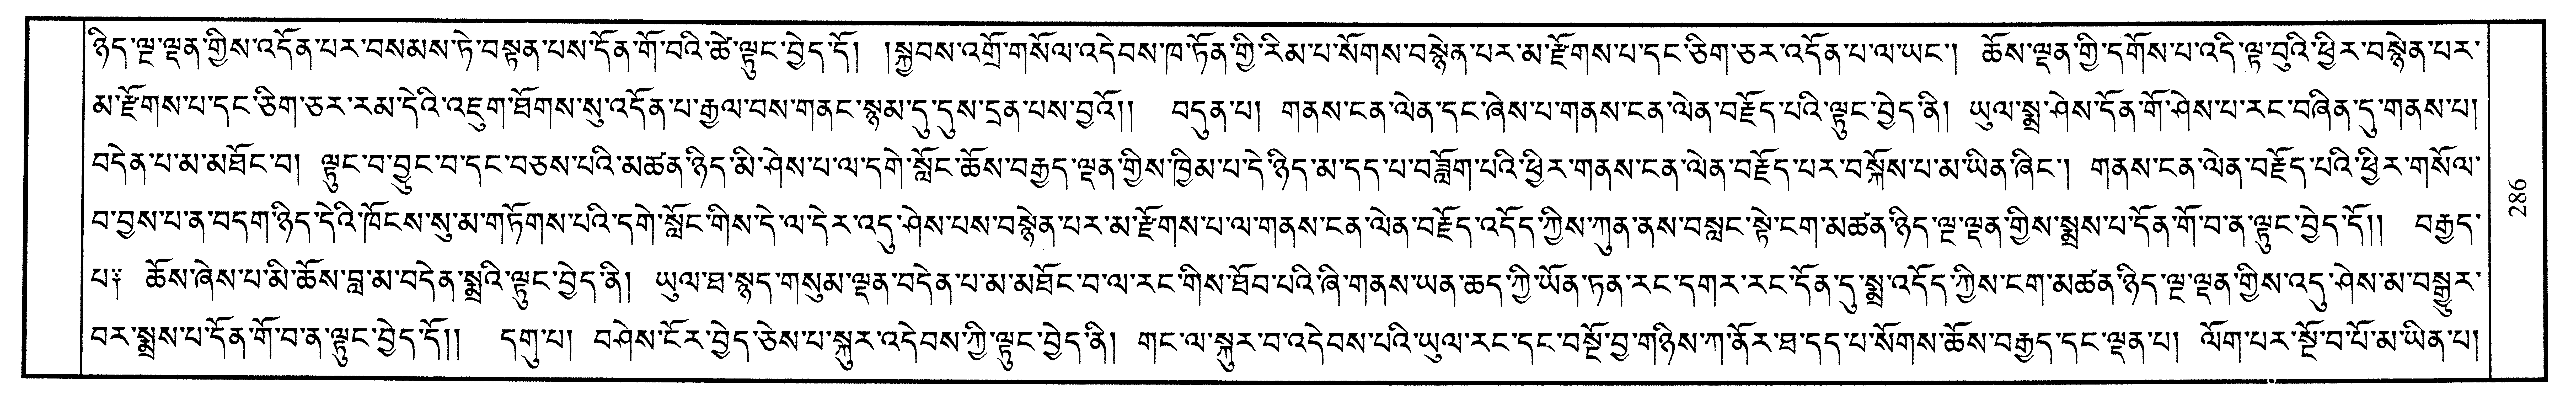ཉིད་ལྔ་ལྡན་གྱིས་འདོན་པར་བསམས་ཏེ་བསྟན་པས་དོན་གོ་བའི་ཚེ་ལྟུང་བྱེད་དོ། །སྐྱབས་འགྲོ་གསོལ་འདེབས་ཁ་ཏོན་གྱི་རིམ་པ་སོགས་བསྙེན་པར་མ་རྫོགས་པ་དང་ཅིག་ཅར་འདོན་པ་ལ་ཡང་། ཆོས་ལྡན་གྱི་དགོས་པ་འདི་ལྟ་བུའི་ཕྱིར་བསྙེན་པར་
མ་རྫོགས་པ་དང་ཅིག་ཅར་རམ་དེའི་འཇུག་ཐོགས་སུ་འདོན་པ་རྒྱལ་བས་གནང་སྙམ་དུ་དུས་དྲན་པས་བྱའོ།། བདུན་པ། གནས་ངན་ལེན་དང་ཞེས་པ་གནས་ངན་ལེན་བརྗོད་པའི་ལྟུང་བྱེད་ནི། ཡུལ་སྨྲ་ཤེས་དོན་གོ་ཤེས་པ་རང་བཞིན་དུ་གནས་པ།
བདེན་པ་མ་མཐོང་བ། ལྟུང་བ་བྱུང་བ་དང་བཅས་པའི་མཚན་ཉིད་མི་ཤེས་པ་ལ་དགེ་སློང་ཆོས་བརྒྱད་ལྡན་གྱིས་ཁྱིམ་པ་དེ་ཉིད་མ་དད་པ་བཟློག་པའི་ཕྱིར་གནས་ངན་ལེན་བརྗོད་པར་བསྐོས་པ་མ་ཡིན་ཞིང་། གནས་ངན་ལེན་བརྗོད་པའི་ཕྱིར་གསོལ་
བ་བྱས་པ་ན་བདག་ཉིད་དེའི་ཁོངས་སུ་མ་གཏོགས་པའི་དགེ་སློང་གིས་དེ་ལ་དེར་འདུ་ཤེས་པས་བསྙེན་པར་མ་རྫོགས་པ་ལ་གནས་ངན་ལེན་བརྗོད་འདོད་ཀྱིས་ཀུན་ནས་བསླང་སྟེ་ངག་མཚན་ཉིད་ལྔ་ལྡན་གྱིས་སྨྲས་པ་དོན་གོ་བ་ན་ལྟུང་བྱེད་དོ།། བརྒྱད་
པ༑ ཆོས་ཞེས་པ་མི་ཆོས་བླ་མ་བདེན་སྨྲའི་ལྟུང་བྱེད་ནི། ཡུལ་ཐ་སྙད་གསུམ་ལྡན་བདེན་པ་མ་མཐོང་བ་ལ་རང་གིས་ཐོབ་པའི་ཞི་གནས་ཡན་ཆད་ཀྱི་ཡོན་ཏན་རང་དགར་རང་དོན་དུ་སྨྲ་འདོད་ཀྱིས་ངག་མཚན་ཉིད་ལྔ་ལྡན་གྱིས་འདུ་ཤེས་མ་བསྒྱུར་
བར་སྨྲས་པ་དོན་གོ་བ་ན་ལྟུང་བྱེད་དོ།། དགུ་པ། བཤེས་ངོར་བྱེད་ཅེས་པ་སྐུར་འདེབས་ཀྱི་ལྟུང་བྱེད་ནི། གང་ལ་སྐུར་བ་འདེབས་པའི་ཡུལ་རང་དང་བསྔོ་བྱ་གཉིས་ཀ་ནོར་ཐ་དད་པ་སོགས་ཆོས་བརྒྱད་དང་ལྡན་པ། ལོག་པར་སྔོ་བ་པོ་མ་ཡིན་པ།